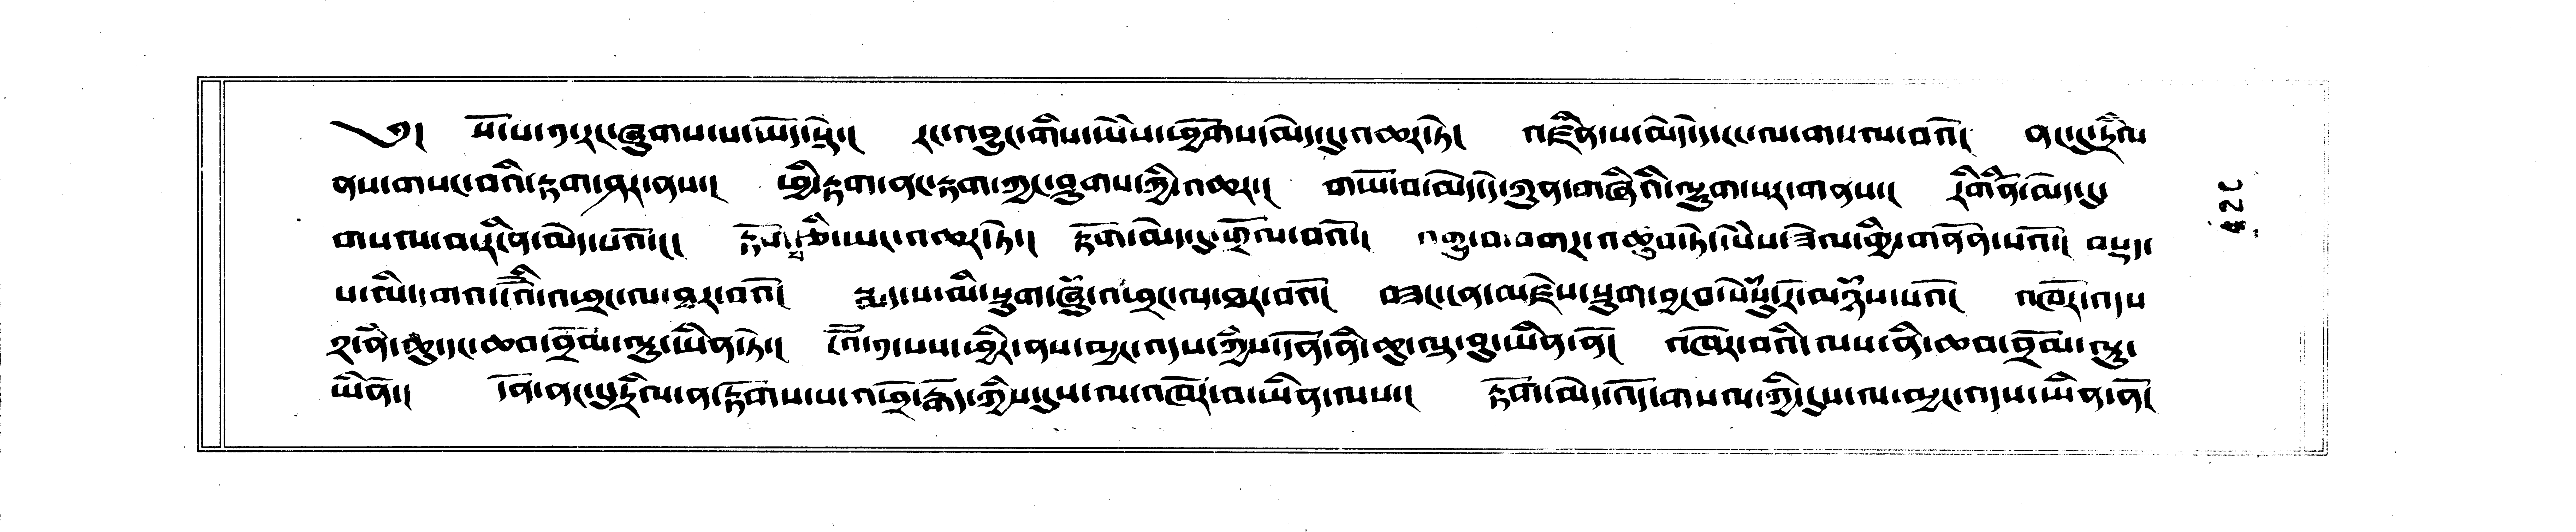ཅིག་རང་ཞུགས་སུ་ཡོད་པའོ། རང་འབྱུང་གིས་ཡེ་ཤེས་ཕྱོགས་མེད་དུ་འཆར་ཏེ། འཛིན་པ་མེད་སྟེ་ངང་ལ་གསལ་བའོ། དོན་དུ་དྲིལ་
ན།གསང་བའི་རྟགས་ཤར་ན། ཕྱི་རྟགས་ནང་རྟགས་གསང་རྟགས་ཀྱང་ཤུགས་ཀྱི་འཆར་བའོ། གཡོ་བ་མེད་དེ་ཀུན་གཞི་ལྷུག་པར་གནས། རིག་པ་འཛིན་མེད་དུ་
གསལ་ཏེ་རང་བཞིན་མེད་པའོ། རྟོགས་པ་ཅིར་ཡང་འཆར་ཏེ་རྟོག་མེད་དུ་གྲོལ་བའོ། འགྱུ་བ་བག་ལ་འཚུབ་སྟེ་ཡེ་ཤེས་ཀྱིས་ཟིལ་གྱིས་ནོན་པའོ། བསྟོད་
པས་མི་དགའ་ང་བོའི་འཕྲང་ལ་ཐར་བའོ། སྨད་པས་མི་སྡུག་ཞུམ་པའི་འཕྲང་ལ་ཐར་བའོ། བཟང་ངན་མཛེས་སྡུག་བྱང་ཆུབ་སེམས་སུ་མཉམ་པའོ། འཁོར་འདས་
གཉིས་ནི་ཆུ་དང་ཆབ་བྲོམ་ལྟ་བུ་ཡིན། ངོའོ་ཅིག་པའི་ཕྱིར་ན་མྱང་འདས་ཀྱིས་དོན་ནི་ཆུ་ལྟ་བུ་ཡིན་ནོ། འཁོར་བའི་ལས་ནི་ཆབ་བྲོམ་ལྟ་བུ་
ཡིན་ནོ། དོན་དུ་དྲིལ་ན། རྟོག་པ་འཕྲོ་དགོད་ཀྱིས་དུས་ལ་འཁོར་བ་ཡིན་ལ། རྟོག་མེད་འོད་གསལ་གྱིས་དུས་ལ་མྱང་འདས་ཡིན་ནོ།